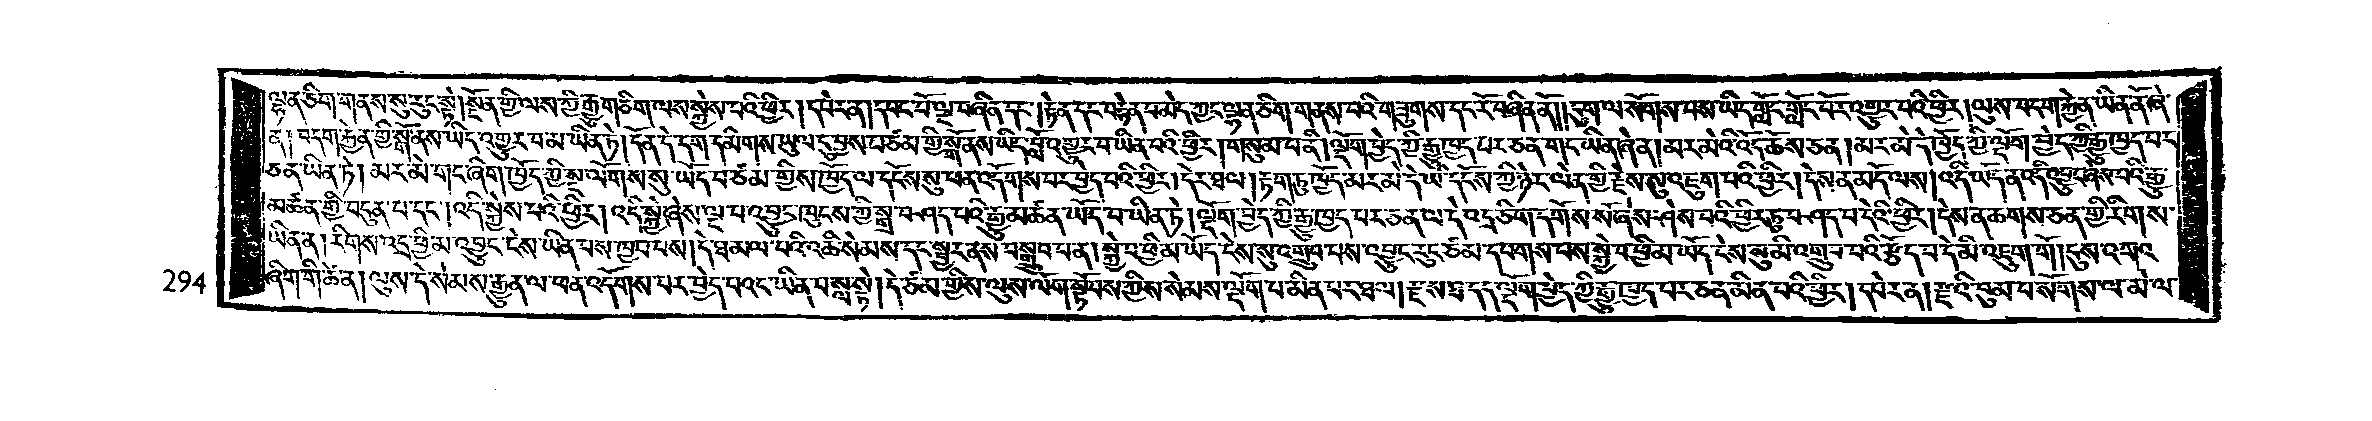ལྷན་ཅིག་གནས་སུ་རུང་སྟེ། སྔོན་གྱི་ལས་ཀྱི་རྒྱུ་གཅིག་ལས་སྐྱེས་པའི་ཕྱིར། དཔེར་ན། དབང་པོ་ལྔ་བཞིན་དང་། རྟེན་དང་བརྟེན་པ་མེད་ཀྱང་ལྷན་ཅིག་གནས་པའི་གཟུགས་དང་རོ་བཞིན་ནོ། །དུག་ལ་སོགས་པས་ཡིད་གློང་གློང་པོར་འགྱུར་བའི་ཕྱིར། ལུས་བདག་རྐྱེན་ཡིན་ནོ་ཞེ་
ན། བདག་རྐྱེན་གྱི་སྒོ་ནས་ཡིད་འགྱུར་བ་མ་ཡིན་ཏེ། དོན་དེ་དག་དམིགས་ཡུལ་དུ་བྱས་པ་ཙམ་གྱི་སྒོ་ནས་ཡིད་བློ་འགྱུར་བ་ཡིན་པའི་ཕྱིར། གསུམ་པ་ནི། ལྡོག་བྱེད་ཀྱི་རྒྱུ་ཁྱད་པར་ཅན་གང་ཡིན་ཞེ་ན། མར་མེ་དེ་ཁྱོད་ཀྱི་ལྡོག་བྱེད་ཀྱི་རྒྱུ་ཁྱད་པར་
ཅན་ཡིན་ཏེ། མར་མེ་གང་ཞིག་ཁྱོད་ཀྱི་སྔ་ལོགས་སུ་ཡོད་པ་ཙམ་གྱིས་ཁྱོད་ལ་དངོས་སུ་ཕན་འདོགས་པར་བྱེད་པའི་ཕྱིར། དེར་ཐལ། རྟག་ཏུ་ཁྱོད་མར་མེ་དེ་ཡི་དངོས་ཀྱི་ཉེར་ལེན་གྱི་རྗེས་སུ་འཇུག་པའི་ཕྱིར། དེས་ན་མདོ་ལས། འདི་ཡོད་ན་འདི་འབྱུང་ཞེས་པའི་རྒྱུ་
མཚན་གྱི་བདུན་པ་དང་། འདི་སྐྱེས་པའི་ཕྱིར། འདི་སྐྱེ་ཞེས་ལྔ་པ་འབྱུང་ཁུངས་ཀྱི་སྒྲ་བཤད་པའི་རྒྱུ་མཚན་ཡོད་པ་ཡིན་ཏེ། ལྡོག་བྱེད་ཀྱི་རྒྱུ་ཁྱད་པར་ཅན་ལ་དེ་འདྲ་ཅིག་དགོས་སོ་ཞེས་ཤེས་པའི་ཕྱིར་ཏུ་བཤད་པ་དེའི་ཕྱིར། དེས་ན་ཆགས་ཅན་གྱི་རིགས་
ཡིན་ན། རིགས་འདྲ་ཕྱི་མ་འབྱུང་ངེས་ཡིན་པས་ཁྱབ་པས། དེ་ཐ་མལ་པའི་འཆི་སེམས་དང་སྦྱར་ནས་བསྒྲུབ་པ་ན། སྐྱེ་བ་ཕྱི་མ་ཡོད་ངེས་སུ་འགྲུབ་པས་འབྱུང་རུང་ཙམ་དཔགས་པས་སྐྱེ་བ་ཕྱི་མ་ཡོད་ངེས་སུ་མི་འགྲུབ་པའི་རྩོད་པ་དེ་མི་འཇུག་གོ། དུས་འགའ་
ཞིག་གེ་ཚེ་ན། ལུས་དེ་སེམས་རྒྱུན་ལ་ཕན་འདོགས་པར་བྱེད་པའང་ཡིན་པ་སླ་སྟེ། དེ་ཙམ་གྱིས་ལུས་ལོག་སྟོབས་ཀྱིས་སེམས་ལྡོག་པ་མིན་པར་ཐལ། རྫས་ཐ་དད་ལྡོག་བྱེད་ཀྱི་རྒྱུ་ཁྱད་པར་ཅན་མིན་པའི་ཕྱིར། དཔེར་ན། རྫའི་བུམ་པ་སོགས་ལ་མེ་ལ་